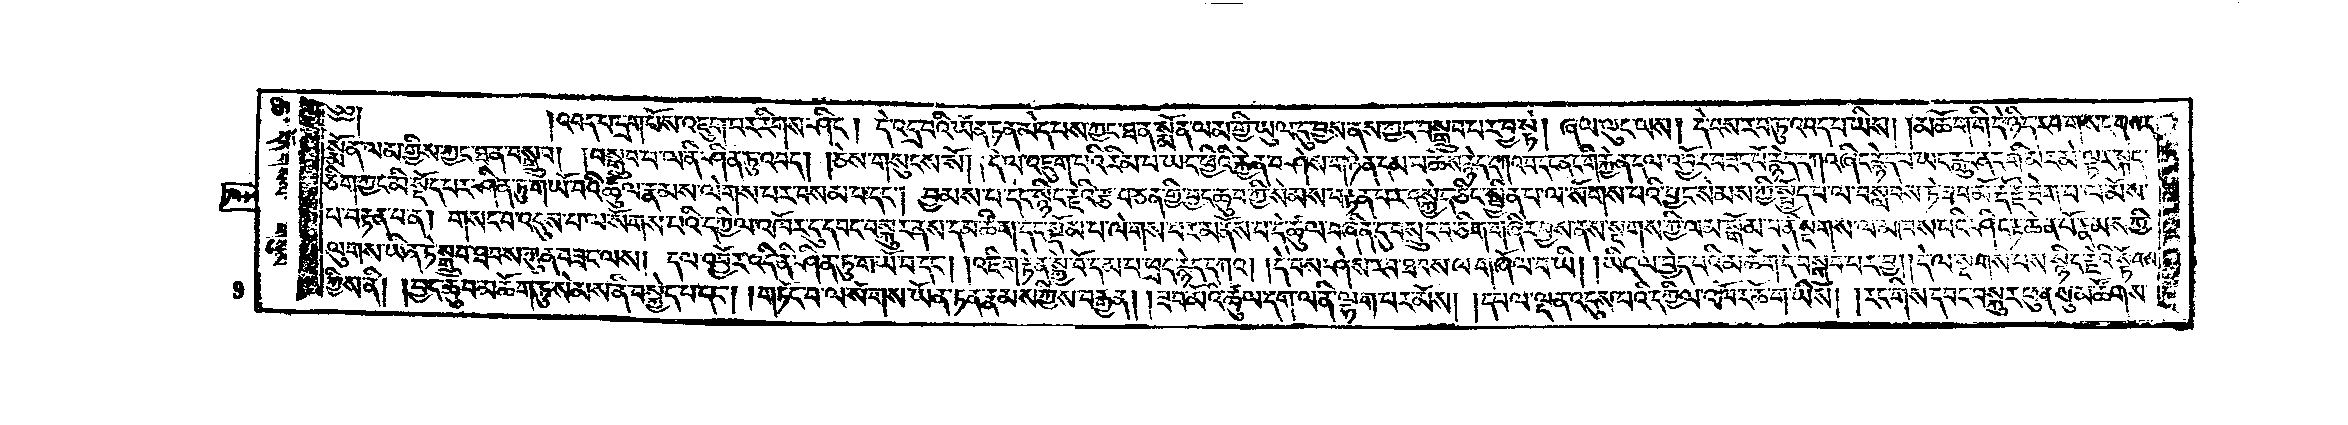༄༅། །འབད་པ་དྲག་པོས་འཇུག་པར་རིགས་ཤིང་། དེ་འདྲ་བའི་ཡོན་ཏན་མེད་པས་ཀྱང་ཐ་ན་སྨོན་ལམ་གྱི་ཡུལ་དུ་བྱས་ནས་ཀྱང་བསྒྲུབ་པར་བྱ་སྟེ། ཞལ་ལུང་ལས། དེ་བས་རབ་ཏུ་འབད་པ་ཡིས། །མཆོག་གི་དེ་ཉིད་རབ་གསང་གསང་
སྨོན་ལམ་གྱིས་ཀྱང་ཐ་ན་བསྒྲུབ། །བསྒྲུབ་པ་ལ་ནི་ཤིན་ཏུ་འབད། །ཅེས་གསུངས་སོ། །དེ་ལ་འཇུག་པའི་རིམ་པ་ཡང་ཕྱིའི་རྐྱེན་བཤེས་གཉེན་དམ་པ་ཆོས་རྙེད་དཀའ་བ་དང་ནང་གི་རྐྱེན་དལ་འབྱོར་བཟང་པོ་རྙེད་དཀའ་ཞིང་རྙེད་པ་ཡང་རླུང་ནང་གི་མར་མེ་ལྟར་སྐད་
ཅིག་ཀྱང་མི་སྡོད་པར་ཤིན་ཏུ་གཡོ་བའི་ཚུལ་རྣམས་ལེགས་པར་བསམ་པ་དང་། བྱམས་པ་དང་སྙིང་རྗེའི་རྩ་བ་ཅན་གྱི་བྱང་ཆུབ་ཀྱི་སེམས་བརྟན་པར་བསྐྱེད་ཅིང་སྦྱིན་པ་ལ་སོགས་པའི་བྱང་སེམས་ཀྱི་སྤྱོད་པ་ལ་བསླབས་ཏེ་ཟབ་མོ་རྡོ་རྗེ་ཐེག་པ་ལ་མོས་
པ་བརྟན་པ་ན། གསང་བ་འདུས་པ་ལ་སོགས་པའི་དཀྱིལ་འཁོར་དུ་དབང་བསྐུར་ནས་དམ་ཚིག་དང་སྡོམ་པ་ལེགས་པར་མནོས་པ་དེ་ཚུལ་བཞིན་དུ་བསྲུང་བ་ཅིག་གཞིར་བྱས་ནས་སྔགས་ཀྱི་ལམ་སྒོམ་པ་ནི་སྔགས་ལ་མཁས་པའི་ཤིང་རྟ་ཆེན་པོ་རྣམས་ཀྱི་
ལུགས་ཡིན་ཏེ་སྒྲུབ་ཐབས་ཀུན་བཟང་ལས། དལ་འབྱོར་འདི་ནི་ཤིན་ཏུ་གཡོ་བ་དང་། །འཇིག་རྟེན་སྐྱེ་བོ་དམ་པ་ཕྲད་རྙེད་དཀའ། །དེ་བས་ཤེས་རབ་ཐབས་ལ་གཞོལ་བ་ཡི། །ཡིད་ལ་བྱེད་པའི་མཆོག་དེ་བསྒྲུབ་པར་བྱ། །དེ་ལ་སྔགས་པས་སྙིང་རྗེའི་སྟོབས་
ཀྱིས་ནི། །བྱང་ཆུབ་མཆོག་ཏུ་སེམས་ནི་བསྐྱེད་པ་དང་། །གཏོང་བ་ལ་སོགས་ཡོན་ཏན་རྣམས་ཀྱིས་བརྒྱན། །ཟབ་མོའི་ཚུལ་དག་ལ་ནི་ལྷག་པར་མོས། །དཔལ་ལྡན་འདུས་པའི་དཀྱིལ་འཁོར་ཆོ་ག་ཡིས། །རང་གིས་དབང་བསྐུར་ཕུན་སུམ་ཚོགས་